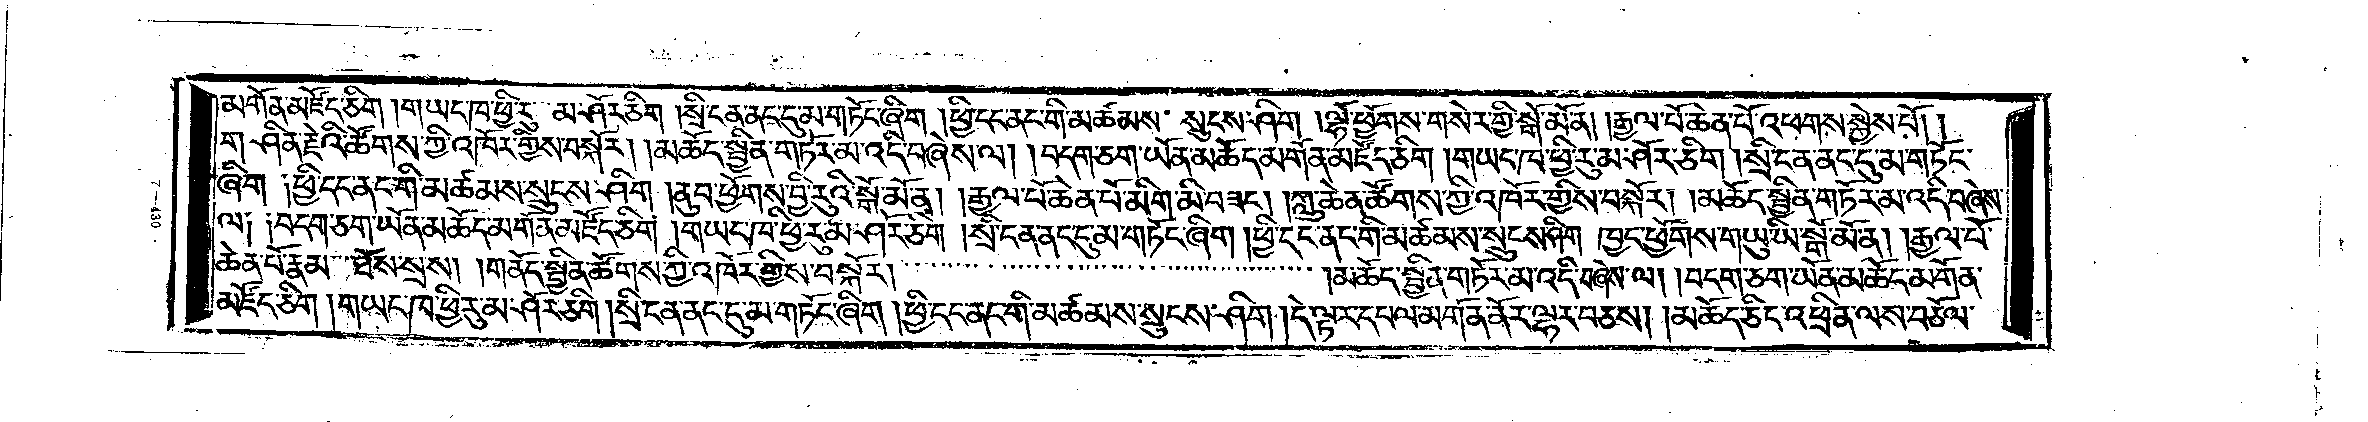མགོན་མཛོད་ཅིག །གཡང་ཁ་ཕྱི་རུ་མ་ཤོར་ཅིག །སྲི་ངན་ནང་དུ་མ་གཏོང་ཞིག །ཕྱི་དང་ནང་གི་མཚམས་སྲུངས་ཤིག །ལྷོ་ཕྱོགས་གསེར་གྱི་སྒོ་མོ་ན། །རྒྱལ་པོ་ཆེན་པོ་འཕགས་སྐྱེས་པོ། །
གཤིན་རྗེའི་ཚོགས་ཀྱི་འཁོར་གྱིས་བསྐོར། །མཆོད་སྦྱིན་གཏོར་མ་འདི་བཞེས་ལ། །བདག་ཅག་ཡོན་མཆོད་མགོན་མཛོད་ཅིག །གཡང་ཁ་ཕྱི་རུ་མ་ཤོར་ཅིག །སྲི་ངན་ནང་དུ་མ་གཏོང་
ཞིག ༑ཕྱི་དང་ནང་གི་མཚམས་སྲུངས་ཤིག །ནུབ་ཕྱོགས་བྱི་རུའི་སྒོ་མོ་ན། །རྒྱལ་པོ་ཆེན་པོ་མིག་མི་བཟང་། །ཀླུ་ཆེན་ཚོགས་ཀྱི་འཁོར་གྱིས་བསྐོར། །མཆོད་སྦྱིན་གཏོར་མ་འདི་བཞེས་
ལ༑ ༑བདག་ཅག་ཡོན་མཆོད་མགོན་མཛོད་ཅིག །གཡང་ཁ་ཕྱི་རུ་མ་ཤོར་ཅིག །སྲི་ངན་ནང་དུ་མ་གཏོང་ཞིག །ཕྱི་དང་ནང་གི་མཚམས་སྲུང་ཤིག །བྱང་ཕྱོགས་གཡུ་ཡི་སྒོ་མོ་ན། །རྒྱལ་པོ་
ཆེན་པོ་རྣམ་ཐོས་སྲས། །གནོད་སྦྱིན་ཚོགས་ཀྱི་འཁོར་གྱིས་བསྐོར། །མཆོད་སྦྱིན་གཏོར་མ་འདི་བཞེས་ལ། །བདག་ཅག་ཡོན་མཆོད་མགོན་
མཛོད་ཅིག །གཡང་ཁ་ཕྱི་རུ་མ་ཤོར་ཅིག །སྲི་ངན་ནང་དུ་མ་གཏོང་ཞིག །ཕྱི་དང་ནང་གི་མཚམས་སྲུངས་ཤིག །དེ་ལྟར་དཔལ་མགོན་ནོར་ལྷར་བཅས། །མཆོད་ཅིང་འཕྲིན་ལས་བཅོལ་